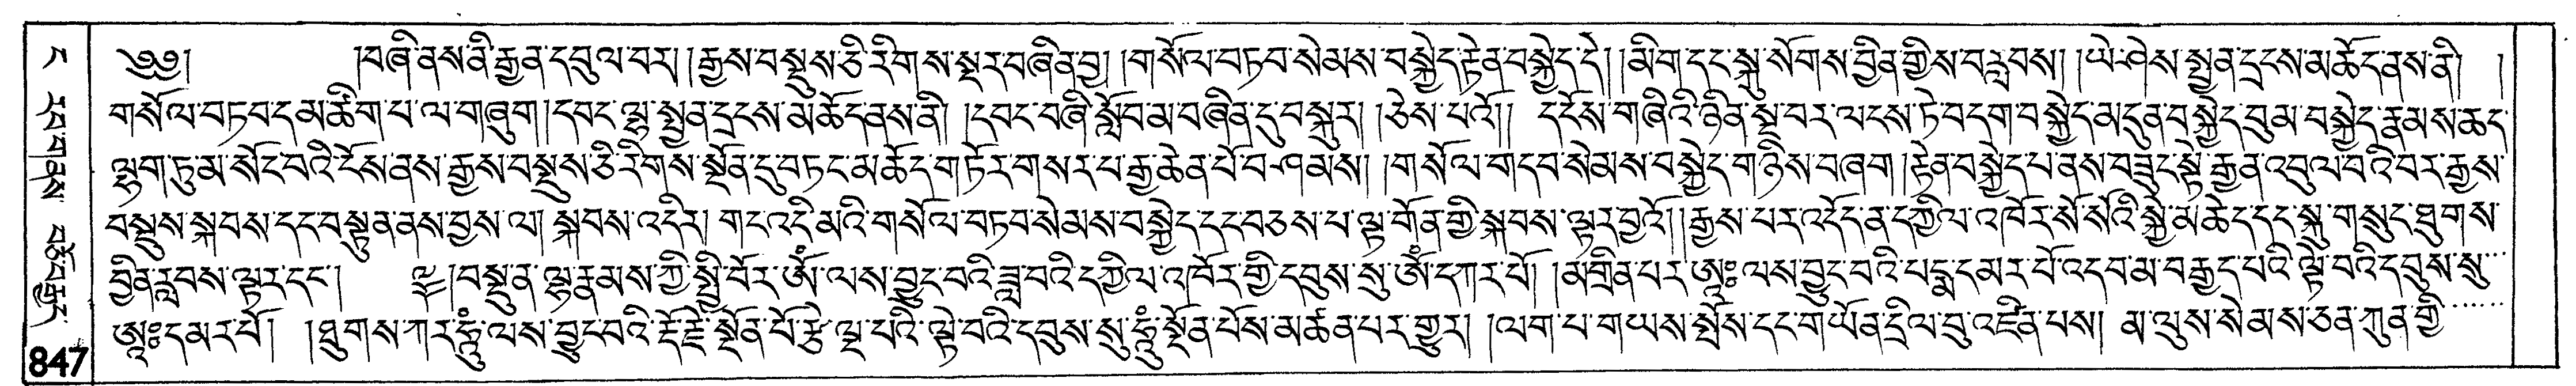༄༅། །བཞི་ནས་ནི་རྒྱན་དབུལ་བར། །རྒྱས་བསྡུས་ཅི་རིགས་སྔར་བཞིན་བྱ། །གསོལ་བཏབ་སེམས་བསྐྱེད་རྟེན་བསྐྱེད་དེ། །མིག་དང་སྐུ་སོགས་བྱིན་གྱིས་བརླབས། །ཡེ་ཤེས་སྤྱན་དྲངས་མཆོད་ནས་ནི། །
གསོལ་བཏབ་དམ་ཚིག་པ་ལ་གཞུག །དབང་ལྷ་སྤྱན་དྲངས་མཆོད་ནས་ནི། །དབང་བཞི་སློབ་མ་བཞིན་དུ་བསྐུར། །ཅེས་པའོ། །དངོས་གཞིའི་ཉིན་སྔ་བར་ལངས་ཏེ་བདག་བསྐྱེད་མདུན་བསྐྱེད་བུམ་བསྐྱེད་རྣམས་ཆད་
ལྷག་ཏུ་མ་སོང་བའི་ངོས་ནས་རྒྱས་བསྡུས་ཅི་རིགས་སྔོན་དུ་བཏང་མཆོད་གཏོར་གསར་པ་རྒྱ་ཆེན་པོ་བཤམས། །གསོལ་གདབ་སེམས་བསྐྱེད་གཉིས་བཞག །རྟེན་བསྐྱེད་པ་ནས་བཟུང་སྟེ་རྒྱན་འབུལ་བའི་བར་རྒྱས་
བསྡུས་སྐབས་དང་བསྟུན་ནས་བྱས་ལ། སྐབས་འདིར། གང་འདི་མའི་གསོལ་བཏབ་སེམས་བསྐྱེད་དང་བཅས་པ་ལྟ་གོན་གྱི་སྐབས་ལྟར་བྱའོ། །རྒྱས་པར་འདོད་ན་དཀྱིལ་འཁོར་སོ་སོའི་སྐྱེ་མཆེད་དང་སྐུ་གསུང་ཐུགས་
བྱིན་རླབས་ལྟར་དང་། ༈ །བསྡུ་ན་ལྷ་རྣམས་ཀྱི་སྤྱི་བོར་ཨོཾ་ལས་བྱུང་བའི་ཟླ་བའི་དཀྱིལ་འཁོར་གྱི་དབུས་སུ་ཨོཾ་དཀར་པོ། །མགྲིན་པར་ཨཱཿ ལས་བྱུང་བའི་པདམ་དམར་པོ་འདབ་མ་བརྒྱད་པའི་ལྟེ་བའི་དབུས་སུ་
ཨཱཿ དམར་པོ། །ཐུགས་ཀར་ཧཱུཾ་ལས་བྱུང་བའི་རྡོ་རྗེ་སྔོན་པོ་རྩེ་ལྔ་པའི་ལྟེ་བའི་དབུས་སུ་ཧཱུཾ་སྔོན་པོས་མཚན་པར་གྱུར། །ལག་པ་གཡས་སྤོས་དང་གཡོན་དྲིལ་བུ་འཛིན་པས། མ་ལུས་སེམས་ཅན་ཀུན་གྱི་